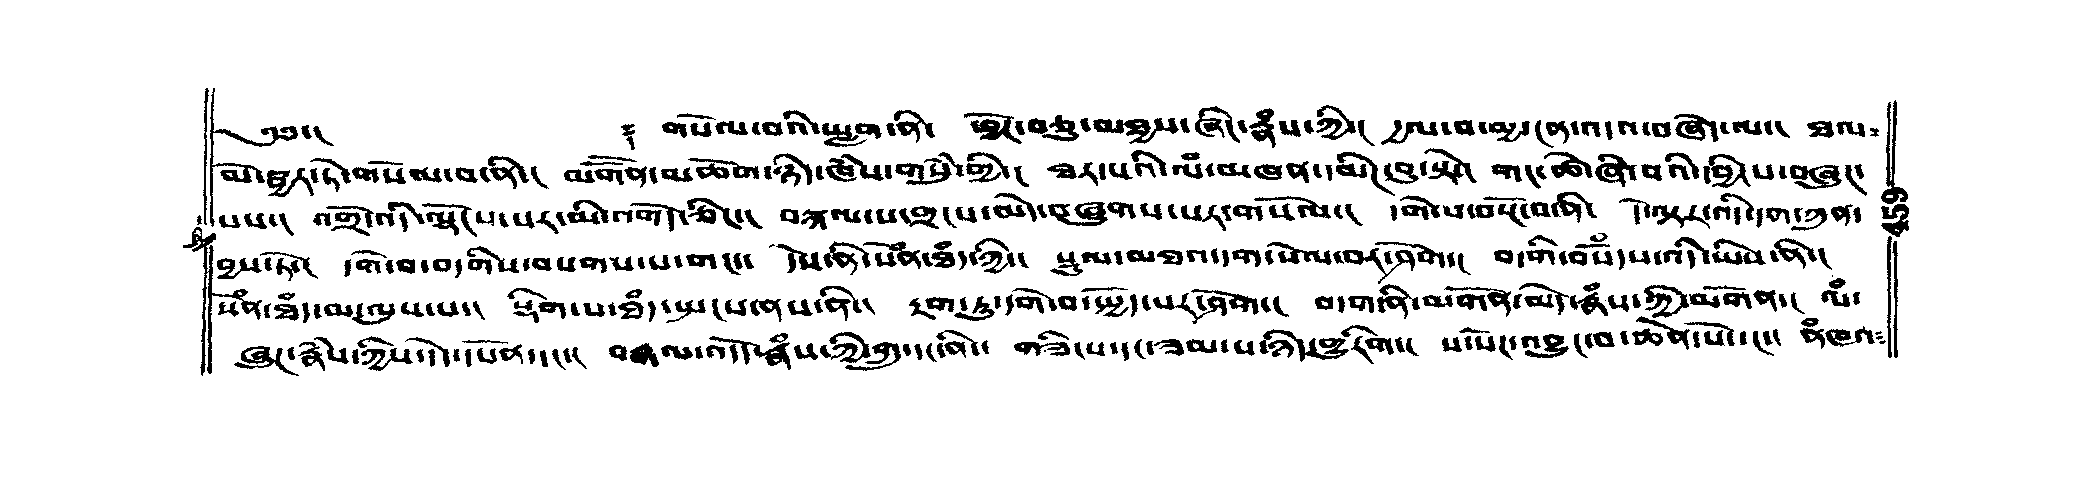གསོལ་བའི་ཡན་ལག་ནི། ཕྱོགས་བཅུ་མཐའ་ཡས་ཞིང་རྣམས་ཀྱི། །རྒྱལ་བ་མྱ་ངན་འདའ་བཞེད་ལ། །ཐལ་
མོ་སྦྱར་ཏེ་གསོལ་བ་ནི། །མགོན་པོ་མཆོག་ཉིད་ཁམས་གསུམ་གྱི། །ཐར་བའི་ལམ་མཁན་དམིགས་བུ་སྟེ། །གང་ཚེ་ཞི་བའི་དབྱིངས་བཞུགས་
པས། །འགྲོ་འདི་ལྡོངས་པར་མི་འགོད་ཅིང་། །བསྐལ་བ་གྲངས་མེད་བཞུགས་པར་གསོལ། དགེ་བ་བསྔོ་བ་ནི། དེ་ལྟར་འདི་དག་ཀུན་
བྱས་ཏེ། །དགེ་བ་བདག་གིས་བསགས་པ་གང་། དེས་ནི་སེམས་ཅན་ཐམས་ཅད་ཀྱི། །སྡུག་བསྔལ་ཐམས་ཅད་སེལ་བར་ཤོག་།བདག་གི་བསོད་ནམས་འདི་ཡིས་ནི། །
སེམས་ཅན་ཐམས་ཅད་མ་ལུས་པ། །སྡིག་པ་ཐམས་ཅད་སྤངས་ནས་ནི། །རྟག་ཏུ་དགེ་བ་བྱེད་པར་ཤོག་།བདག་ནི་མགོན་མེད་རྣམས་ཀྱི་མགོན། །ལམ་
ཞུགས་རྣམས་ཀྱིས་དེད་དཔོན་དང་། །འརྒལ་འདོད་རྣམས་ཀྱི་གྲུ་དང་ནི། །གཟིངས་དང་ཟམ་པ་ཉིད་གྱུར་ཅིག་།ས་སོགས་འབྱུང་བ་ཆེན་པོ་དང་། །ནམ་མཁའ་